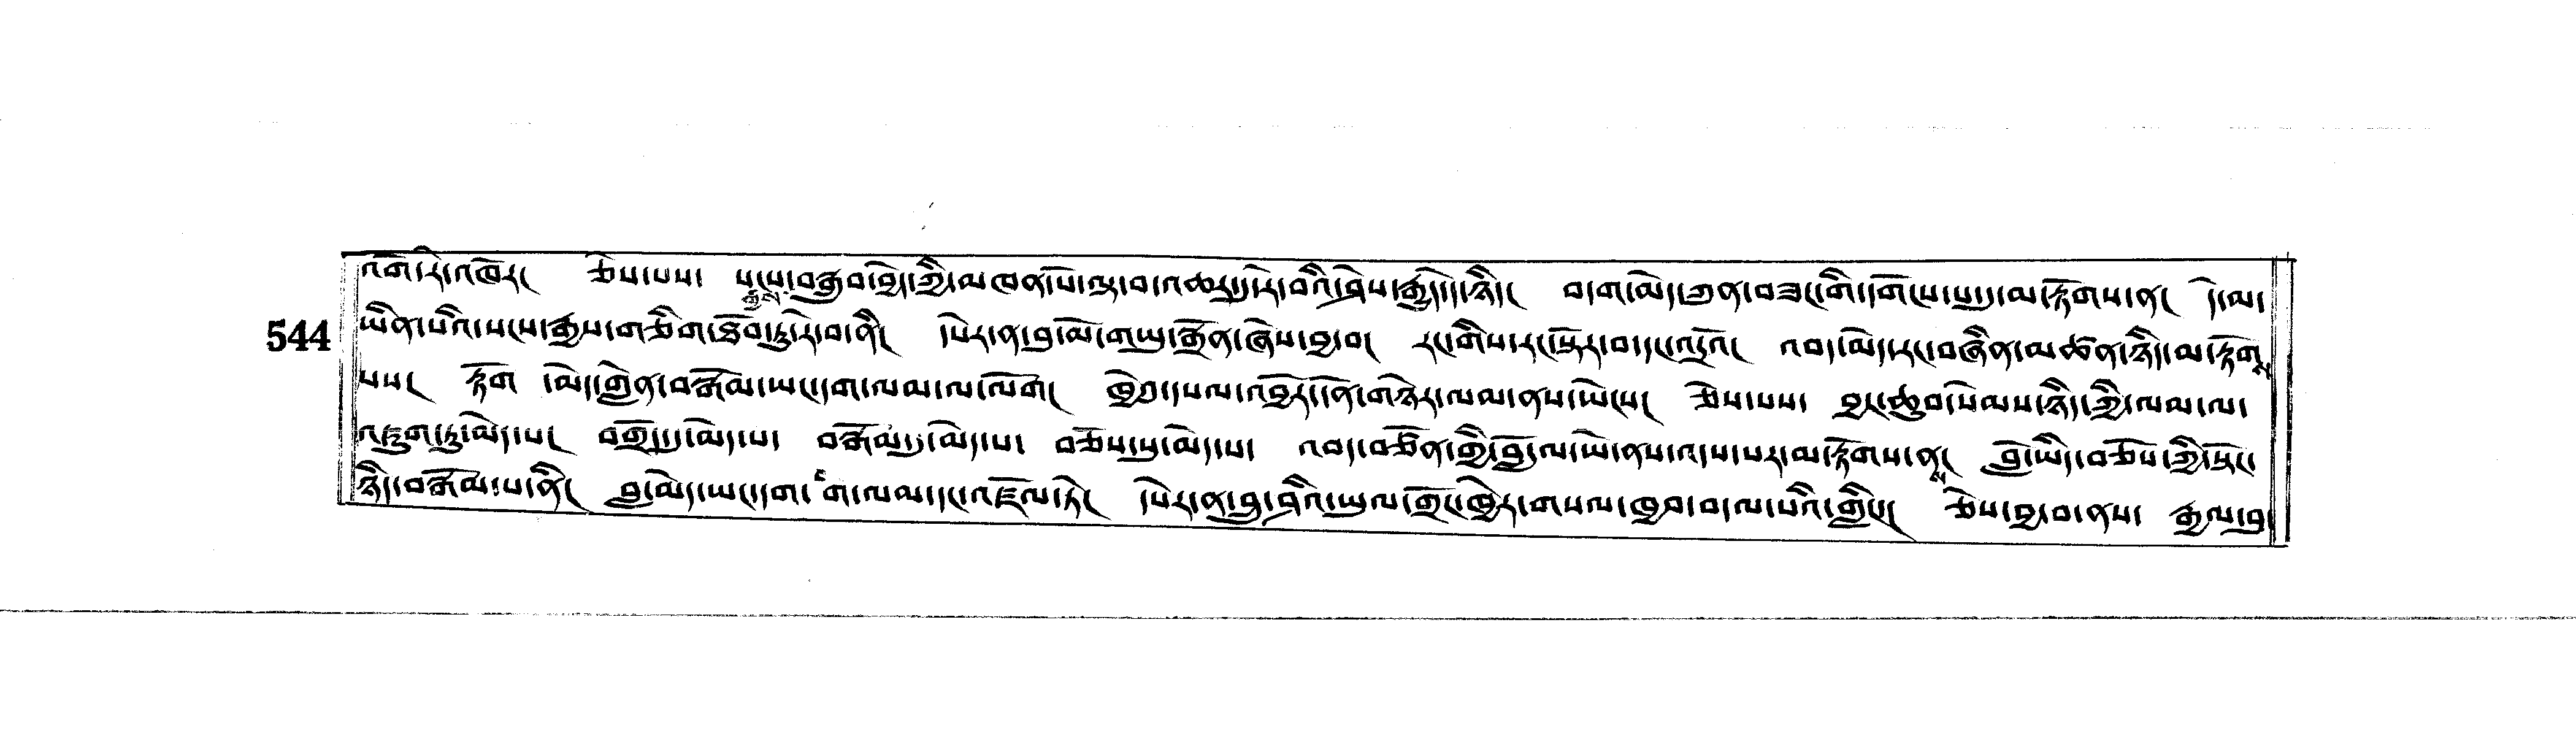འགོ་རེ་འཁོར། ཅེས་པས། སངས་རྒྱས་གྲུབ་བྱེད་ཀྱི་མཁན་པོ་ལྟ་བ་འཆར་དུ་རེ་བའི་ཤེས་རྒྱུད་དེ་ཉིད། བདག་མེད་ཀུན་བཟང་གི་དགོངས་པ་རུ་མ་རྟོགས་ན། དེ་མ་
ཡིན་པའི་སངས་རྒྱས་ཅིག་འཐོབ་ཏུ་རེ་བ་ནི། དཔེར་ན་བུ་མོ་གཡུ་སྒྲོན་ཞེས་བྱ་བ། རང་གིས་རང་སྟོར་བ་དང་འདྲའོ། འབད་མེད་རང་བཞིན་མཚན་ཉིད་མ་རྟོགས་
པས། རྟོག་མེད་གླེན་སྒོམ་ཡང་དག་ལམ་ལས་ལོག ཁྱེའུ་དཔལ་འབྱོར་དོན་གཉེར་ལམ་ལས་ཡེངས། ཅེས་པས། བྱང་ཆུབ་སེམས་ཉིད་ཀྱི་ལམ་ལ་
འཇུག་ཏུ་མེད་པ། བགྲོད་དུ་མེད་པ། བསྒོམ་དུ་མེད་པ། བཅོས་སུ་མེད་པ། འབད་བརྩོན་གྱི་བློ་ལས་ཡེ་ནས་འདས་པར་མ་རྟོགས་ན། བློ་ཡིད་བཅོས་ཀྱི་སྟོང་
ཉིད་བསྒོམ་པ་ནི། བླ་མེད་ཡང་དག་གི་ལམ་དང་འཛོལ་ཏེ། དཔེར་ན་བྲུ་ཤའི་ཡུལ་གྲོང་ཁྱེར་གསལ་ཁྱབ་བདལ་པའི་གླིང་། ཅེས་བྱ་བ་ནས། རྒྱལ་བུ་